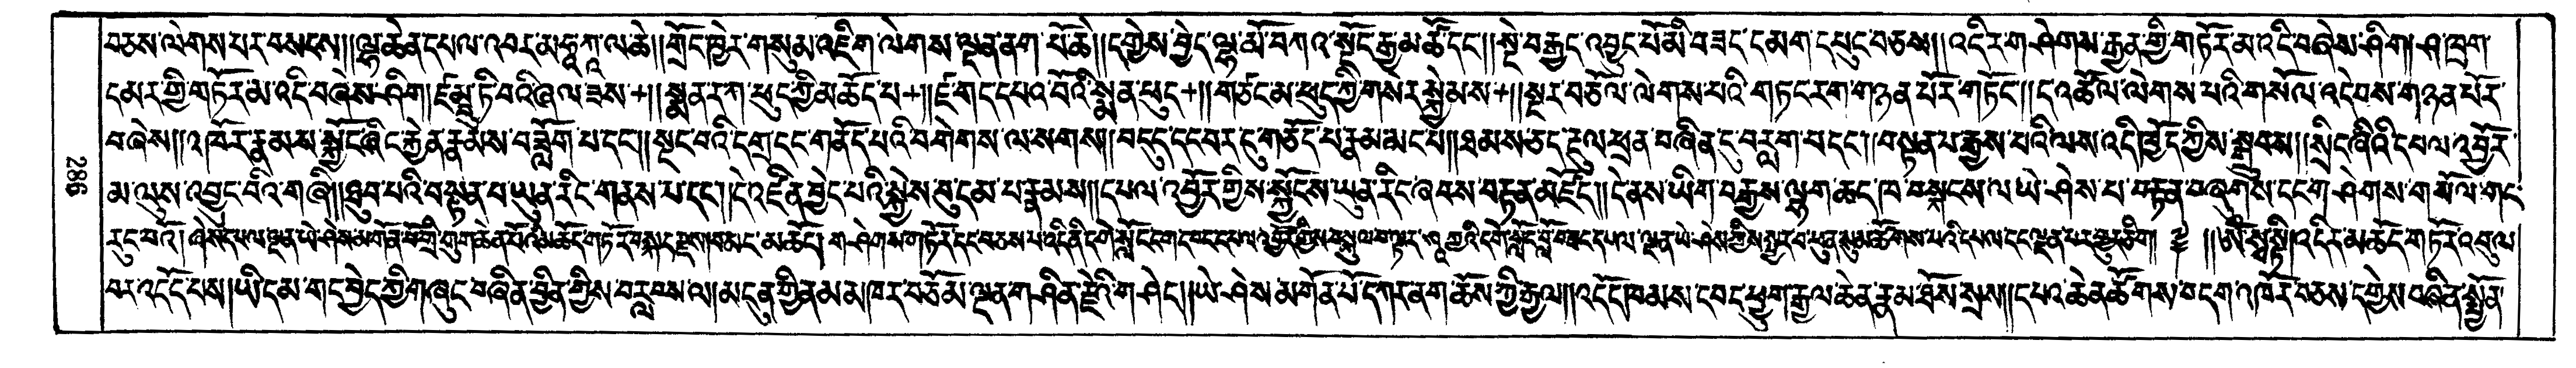བཅས་ལེགས་པར་བསངས། །ལྷ་ཆེན་དཔལ་འབར་མཧཱ་ཀཱ་ལ་ཆེ། །གྲོང་ཁྱེར་གསུམ་འཇིག་ལེགས་ལྡན་ནག་པོ་ཆེ། །དགྱེས་བྱེད་ལྷ་མོ་བཀའ་སྡོད་རྒྱ་མཚོ་དང་། །སྡེ་བརྒྱད་འབྱུང་པོ་མི་བཟད་དམག་དཔུང་བཅས། །འདིར་གཤེགས་རྒྱན་གྱི་གཏོར་མ་འདི་བཞེས་ཤིག །ཤ་ཁྲག་
དམར་གི་གཏོར་མ་འདི་བཞེས་ཤིག །ཛམ་བུ་ཏི་བའི་ཞལ་ཟས། །སྨན་རཀ་ཕུད་ཀྱི་མཆོད་པ། །ཛ་གད་དཔའ་བོའི་སྨན་ཕུད། །གཙང་མ་ཕུད་ཀྱི་གསེར་སྐྱེམས་ཤ། སྔར་བཅོལ་ལེགས་པའི་གཏང་རག་གཉན་པོར་གཏོང་། །ད་འཆོལ་ལེགས་པའི་གསོལ་འདེབས་གཉན་པོར་
བཞེས། །འཁོར་རྣམས་སྐྱོང་ཞིང་རྐྱེན་རྣམས་བཟློག་པ་དང་། །སྡང་བའི་དགྲ་དང་གནོད་པའི་བགེགས་ལ་སོགས། །བདུད་དང་བར་དུ་གཅོད་པ་རྣམ་མང་པོ། །ཐམས་ཅད་རྡུལ་ཕྲན་བཞིན་དུ་བརླག་པ་དང་། །བསྟན་པ་རྒྱས་པའི་ལས་འདི་ཁྱོད་ཀྱིས་སྒྲུབས། །སྲིད་ཞིའི་དཔལ་འབྱོར་
མ་ལུས་འབྱུང་བའི་གཞི། །ཐུབ་པའི་བསྟན་པ་ཡུན་རིང་གནས་བ་དང་། །དེ་འཛིན་བྱེད་པའི་སྐྱེས་བུ་དམ་པ་རྣམས། །དཔལ་འབྱོར་གྱིས་སྐྱོངས་ཡུན་རིང་ཞབས་བརྟན་མཛོད། །དེ་ནས་ཡིག་བརྒྱས་ལྷག་ཆད་ཁ་བསྐངས་ལ་ཡེ་ཤེས་པ་བརྟན་བཞུགས་དང་གཤེགས་གསོལ་གང་
རུང་བྱའོ། ཞེས་དཔལ་ལྡན་ཡེ་ཤེས་མགོན་པོ་གྲི་གུག་ཆེན་པོའི་མཆོད་གཏོར་བསྐང་རྫས། བསང་མཆོད། གཤེགས་གཏོར་དང་བཅས་པ་འདི་ནི་དགེ་སློང་ངག་དབང་དཔལ་འབྱོར་གྱིས་བསྐུལ་བ་ལྟར་ཤཱཀྱའི་དགེ་སློང་བློ་བཟང་དཔལ་ལྡན་ཡེ་ཤེས་ཀྱིས་སྦྱར་པ་ཕུན་སུམ་ཚོགས་པའི་དཔལ་དང་ལྡན་པར་གྱུར་ཅིག། ༈ །།ཨོཾ་སྭསྟི། འདིར་མཆོད་གཏོར་འབུལ་
བར་འདོད་པས། ཡི་དམ་གང་བྱེད་ཀྱི་གཞུང་བཞིན་བྱིན་གྱིས་བརླབས་ལ། མདུན་གྱི་ནམ་མཁར་བཅོམ་ལྡན་གཤིན་རྗེའི་གཤེད། །ཡེ་ཤེས་མགོན་པོ་དཀར་ནག་ཆོས་ཀྱི་རྒྱལ། །འདོད་ཁམས་དབང་ཕྱུག་རྒྱལ་ཆེན་རྣམ་ཐོས་སྲས། །དཔའ་ཆེན་ཚོགས་བདག་འཁོར་བཅས་དགྱེས་བཞིན་སྦྱོན།།